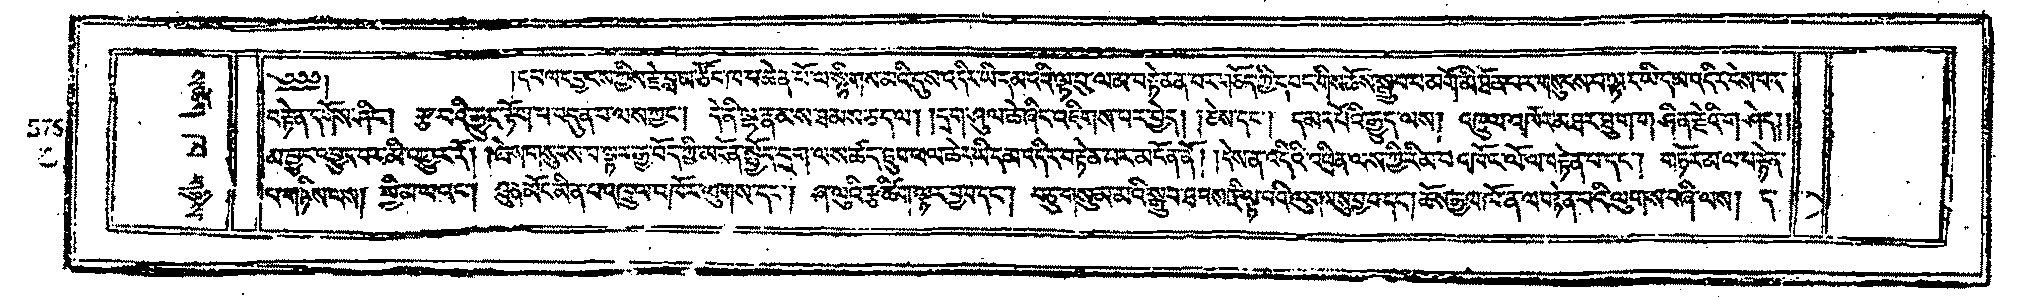༄༅། །དཔལ་དབྱངས་ཀྱིས་རྗེ་བླ་མ་ཙོང་ཁ་པ་ཆེན་པོ་ལ་སྙིགས་མའི་དུས་འདིར་ཡི་དམ་འདི་ལྟ་བུ་ལ་མ་བརྟེན་ན་བར་གཅོད་ཀྱི་དབང་གིས་ཆོས་སྒྲུབ་པ་མགོ་མི་ཐོན་པར་གསུངས་པ་ལྟར་ཡི་དམ་འདིར་ངེས་པར
བརྟེན་དགོས་ཤིང་། རྩ་བའི་རྒྱུད་རྟོག་པ་བདུན་པ་ལས་ཀྱང་། དེ་ནི་ལྷ་རྣམས་ཐམས་ཅད་ལ། །དྲག་ཤུལ་ཆེ་ཞིང་འཇིགས་པར་བྱེད། །ཅེས་དང་། དམར་པོའི་རྒྱུད་ལས། འཁྲུལ་འཁོར་མཐར་ཐུག་གཤིན་རྗེའི་གཤེད།།
མ་བྱུང་འབྱུང་བར་མི་འགྱུར་རོ། །ཞེས་གསུངས་པ་ལྟར་རྒྱ་བོད་ཀྱི་མངོན་སྤྱོད་དྲག་ལས་ཚད་ཐུབ་ཕལ་ཆེར་ཡི་དམ་འདིར་བརྟེན་པར་མངོན་ནོ། །དེས་ན་འདིའི་འཕྲིན་ལས་ཀྱི་རིམ་པ་འཁོར་ལོ་ལ་བརྟེན་པ་དང་། གཏོར་མ་ལ་བརྟེན་
པ་གཉིས་ལས། ཕྱི་མ་ལའང་། ཐུན་མོང་མིན་པ་འཁྲུལ་འཁོར་ལུགས་དང་། ཞ་ལུའི་རྩ་ཚིག་ལྟར་བྱ་བ་དང་། བཅུ་གསུམ་མའི་སྒྲུབ་ཐབས་ཇི་ལྟ་བའི་ལུགས་སུ་བྱ་བ་དང་། ཆོས་རྒྱལ་ཁོ་ན་ལ་བརྟེན་པའི་ལུགས་བཞི་ལས། ད་